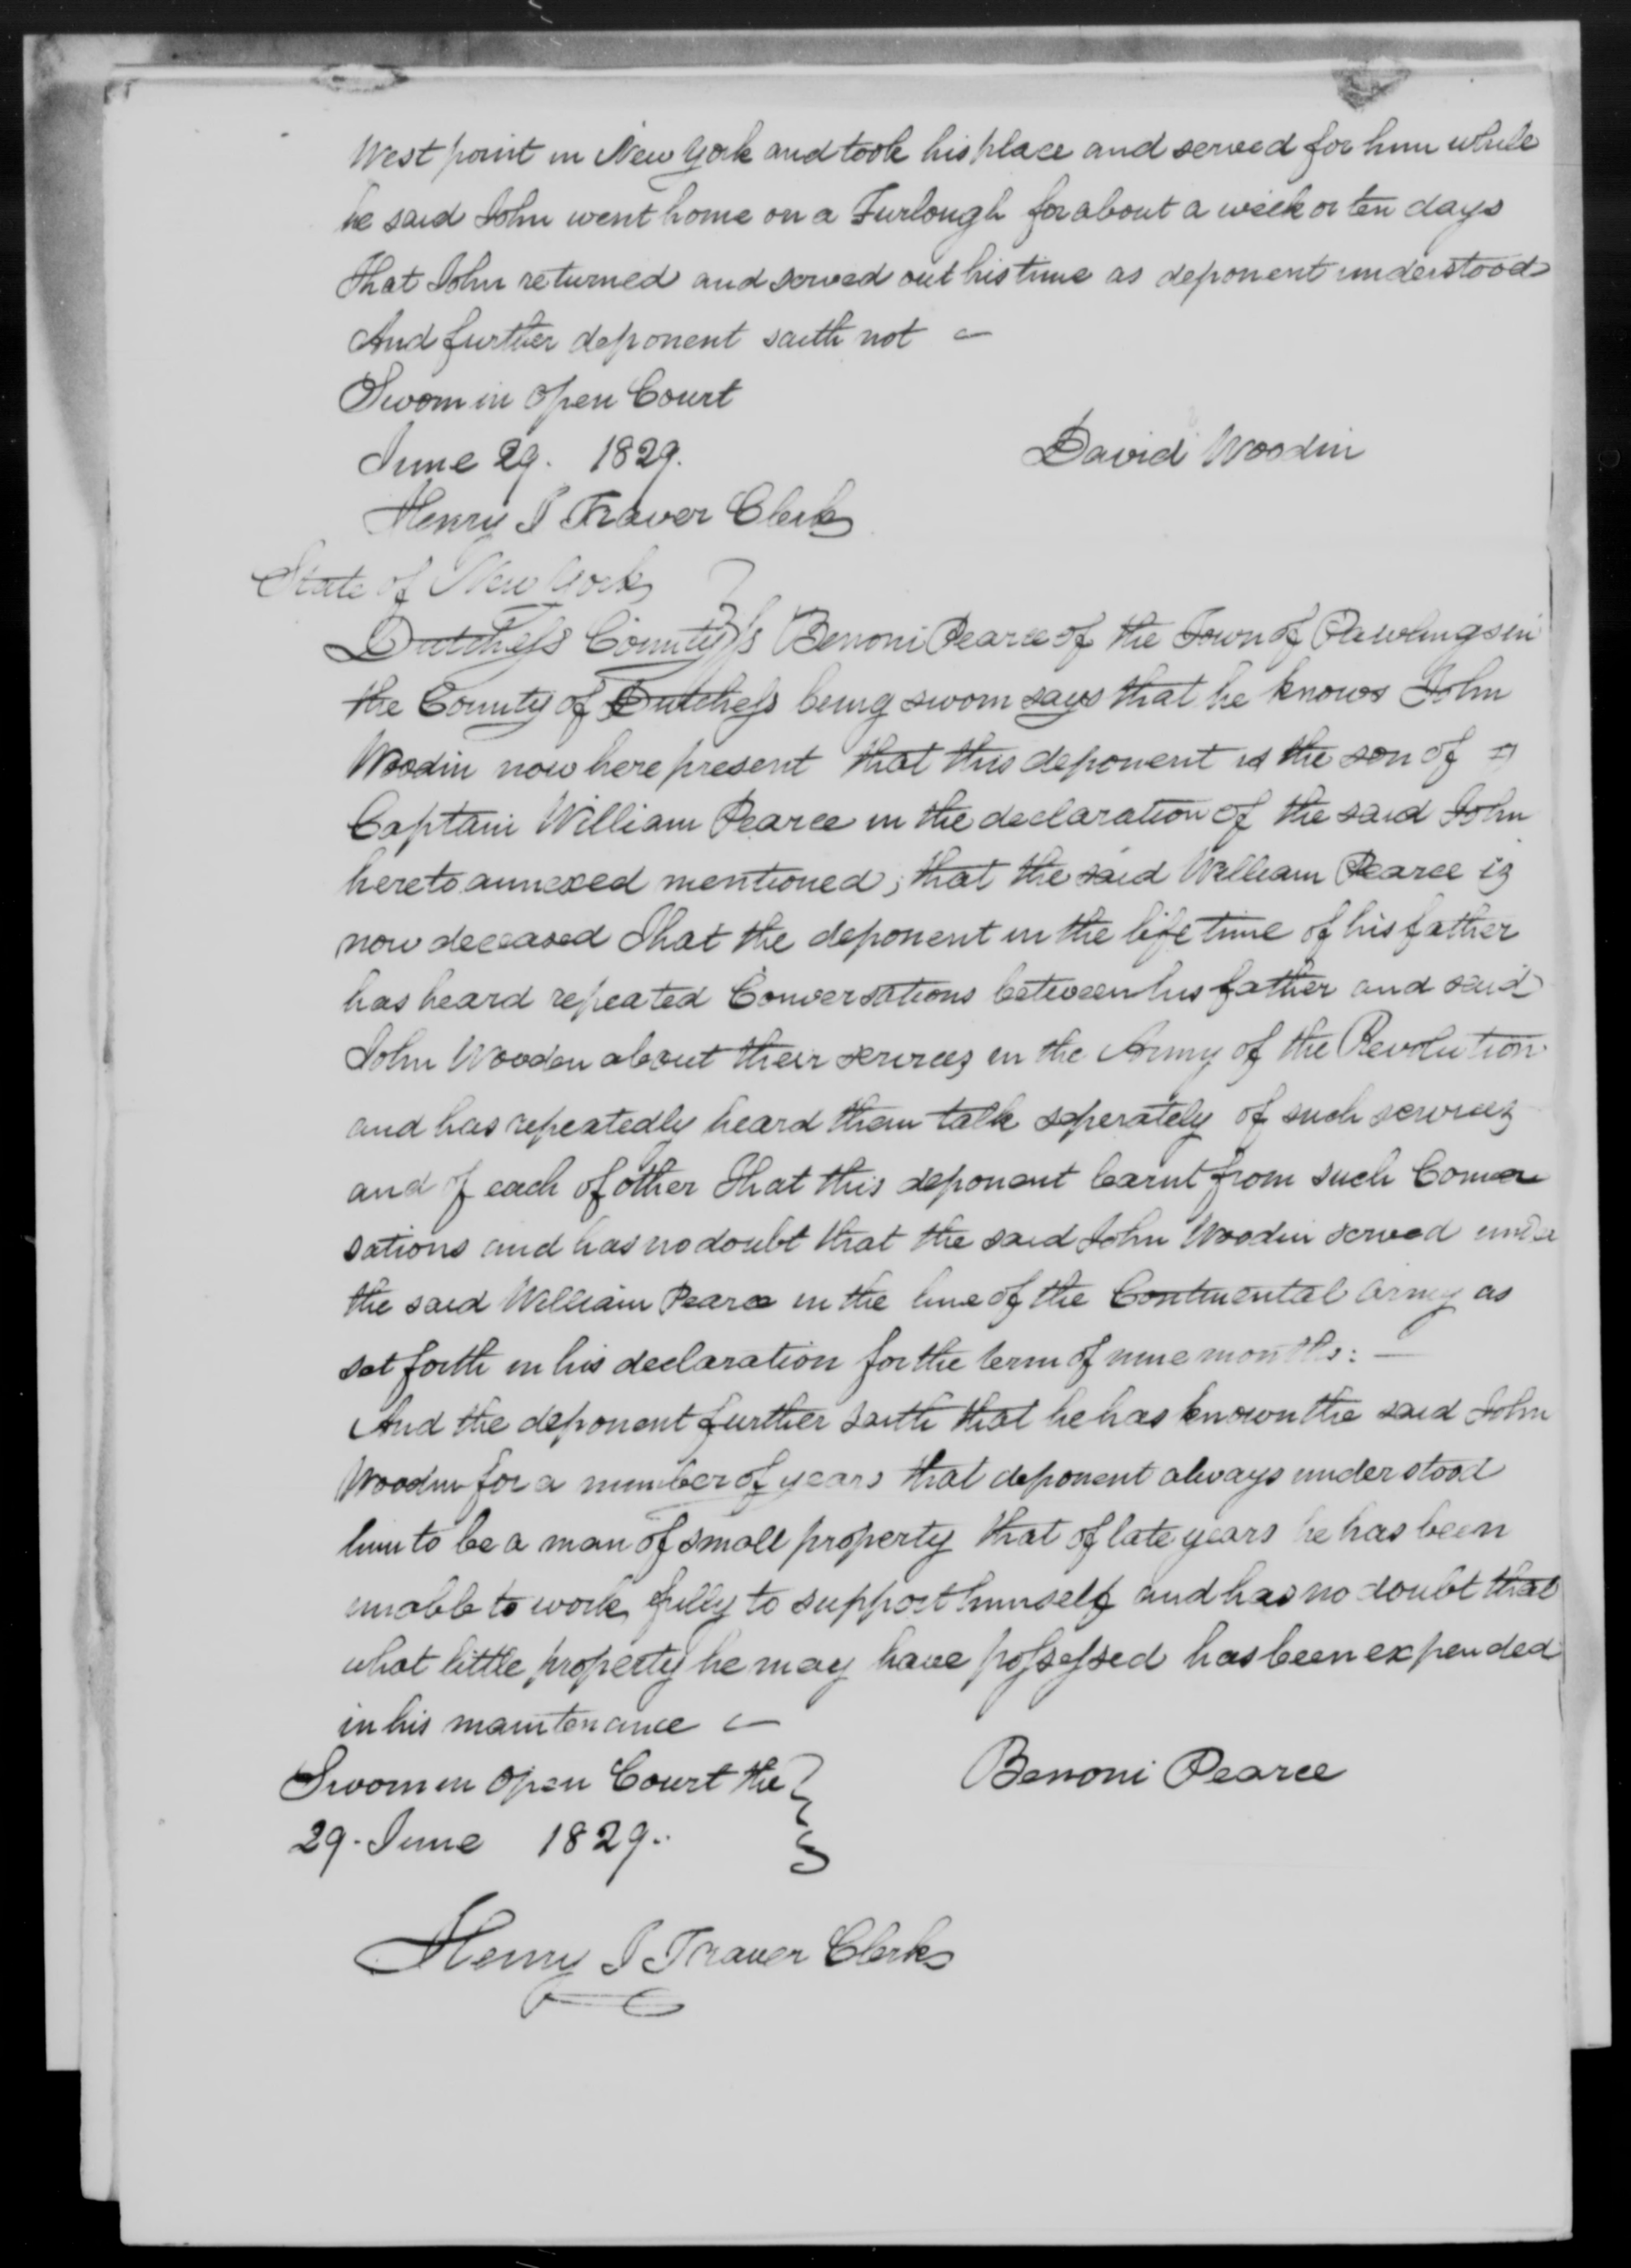West point in New York and took his place and served for him while the said John went home on a furlough for about a week or ten days That John returned and served out his time as deponent understood And further deponent saith not – [signed] David Woodin
Sworn in open Court 
June 29. 1829. Henry J Traver Clerk 
State of New York 
Dutchess County SS  Benoni Pearce of the Town & Pawlingsen the County of Dutchess being sworn says that he knows John Woodin now here present that this deponent is the son of Captain William Pearce in the declaration of the said John hereto annexed mentioned, that the said William Pearce is now deceased That the deponent in the life time of his father has heard repeated conversations between his father and said John Wooden about their services in the Army of the Revolution and has repeatedly heard them talk seperately of such services and of each of other that this deponent learnt from such conversations and has no doubt that the said John Wooden served under the said William Pearce in the line of the Continental army as set forth in his declaration for the term of nine months.- 
And the deponent further saith that he has known the said John Wooden for a number of years that deponent always understood him to be a man of small property that of late years he has been unable to work fully to support himself and has no doubt that what little property he may have possessed has been expended in his maintenance [signed] Benoni Pearce
Sworn in open Court the 29 June 1829. 
Henry J Traver Clerk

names: David Woodin, John Woodin, Henry J Traver, Benoni Pearce, William Pearce, John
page: 42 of 77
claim: widow's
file: W. 19658, John Woodin, New York